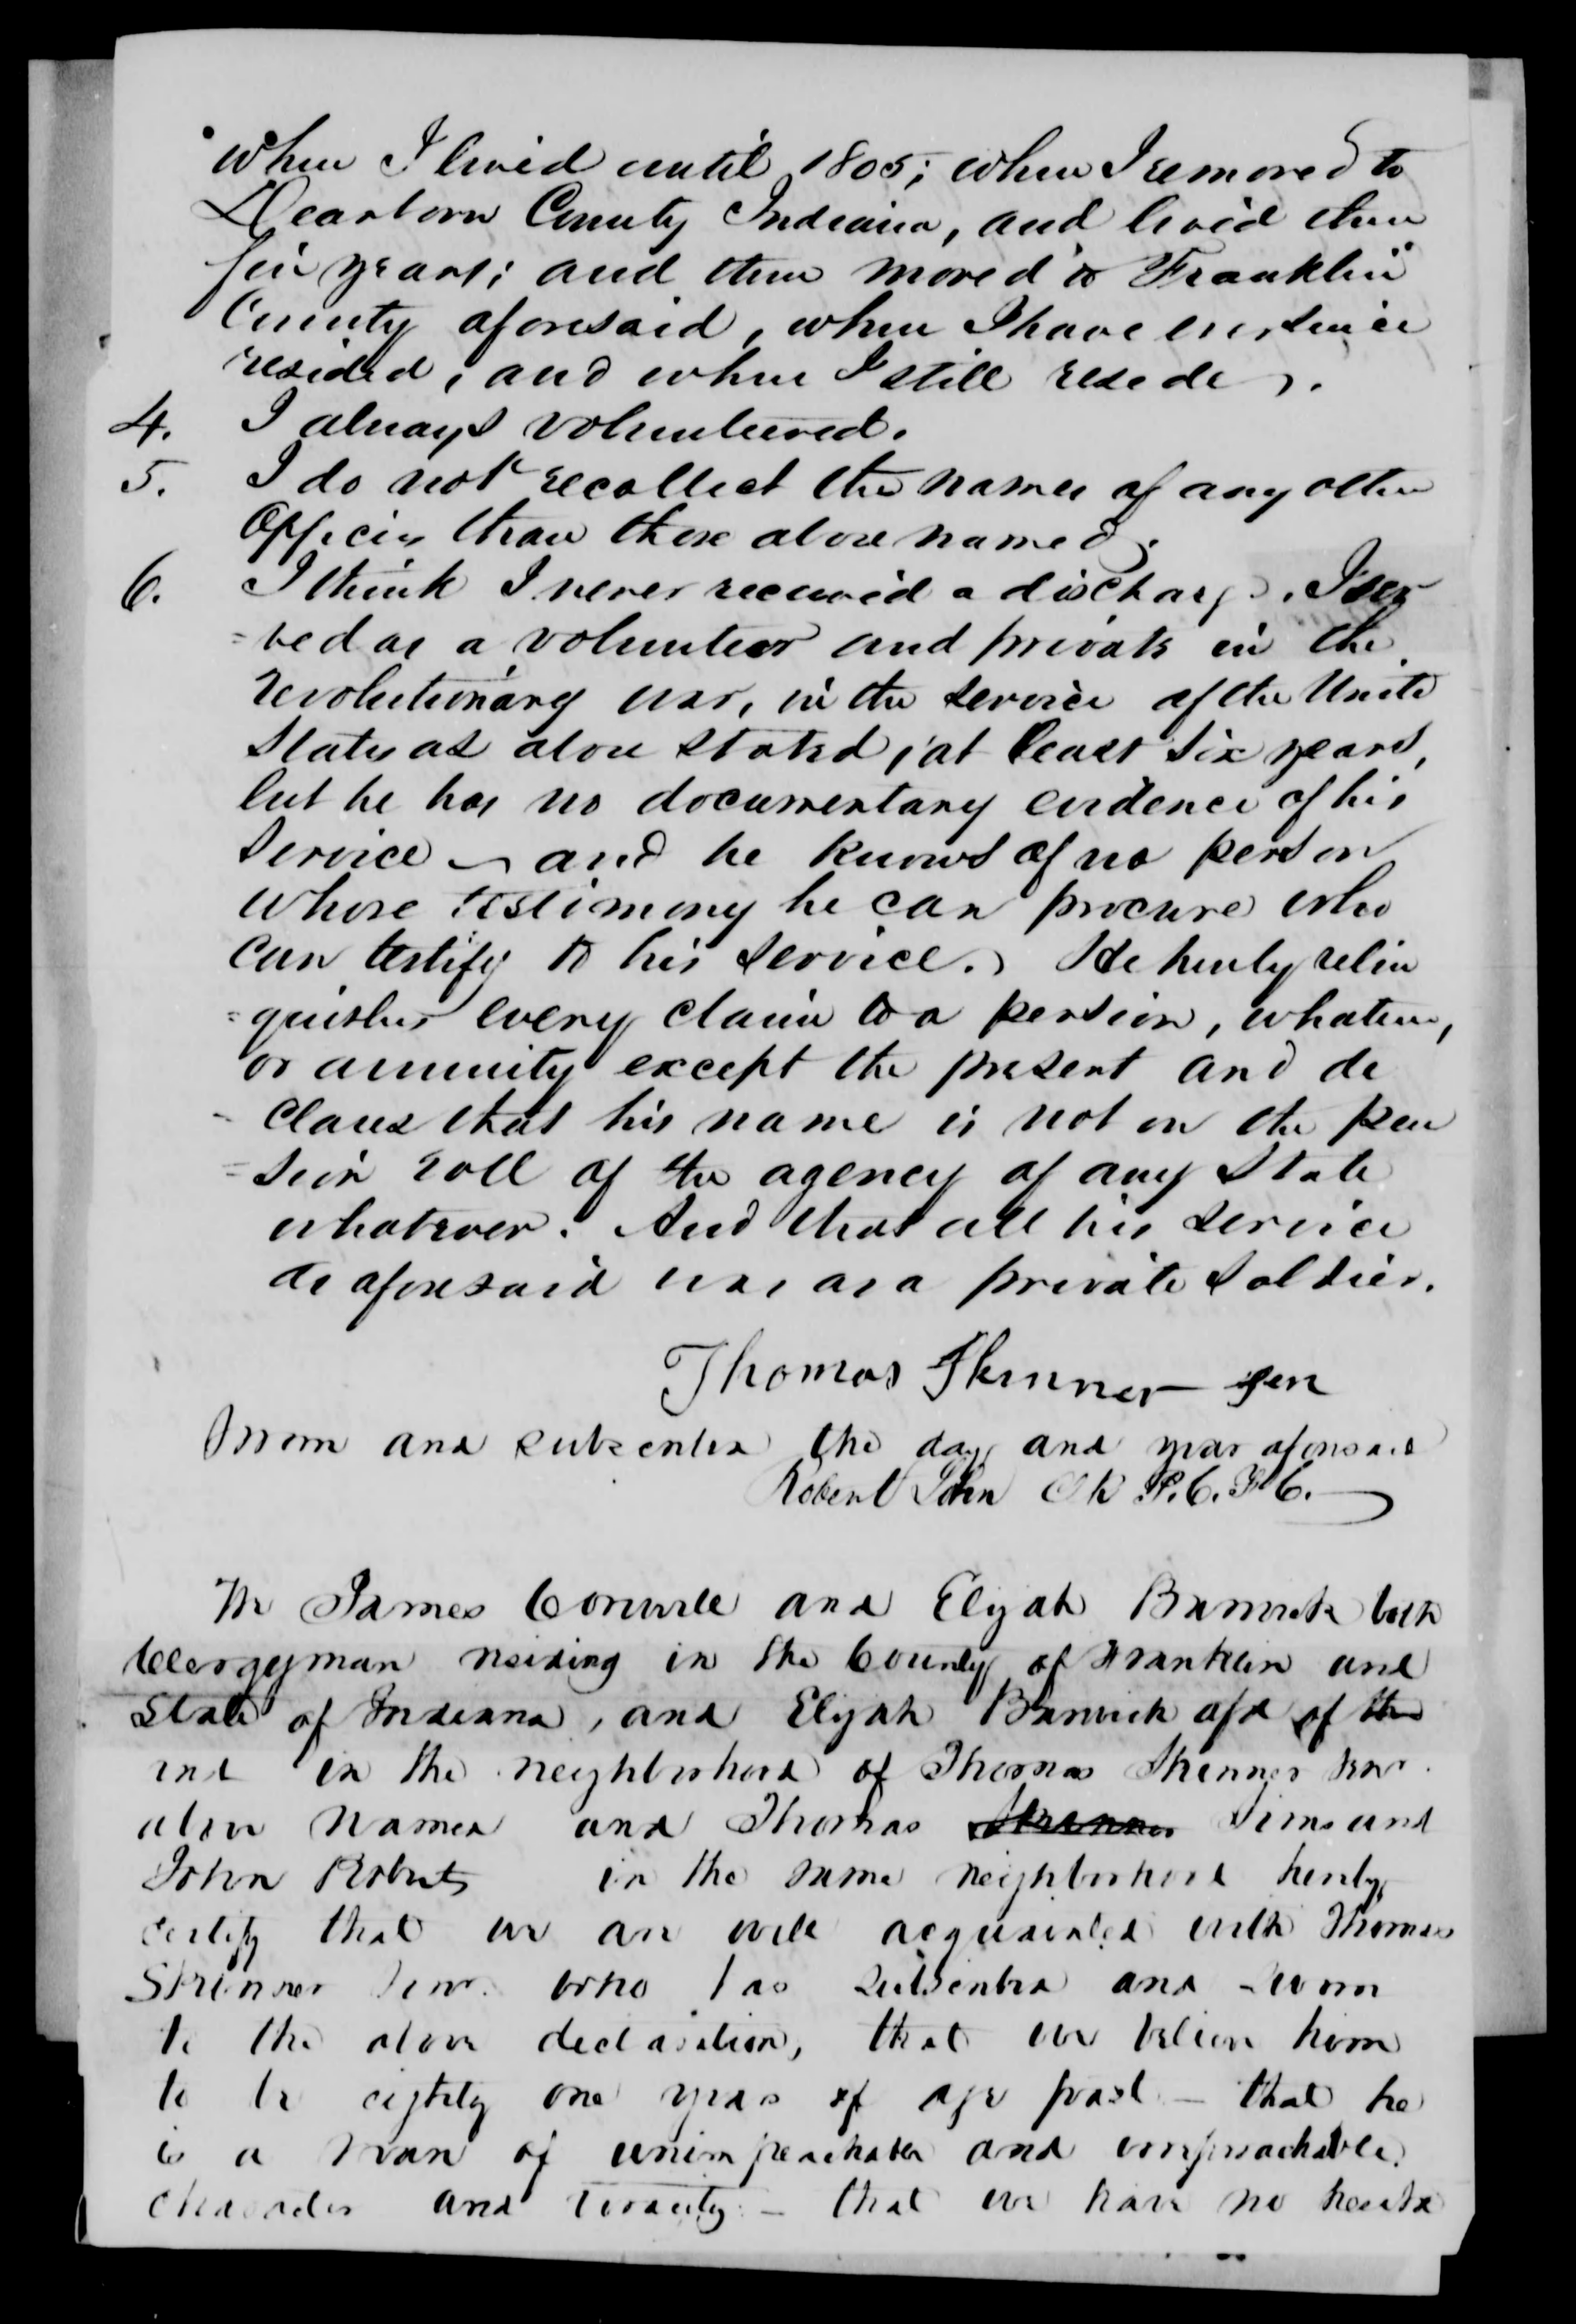where I lived until 1805, when I removed to
Dearborn County Indiana, and lived there five years; and then moved to Franklin County aforesaid, where I have eversince resided, and where I still reside.
4. I always volunteered.
5. I do not recollect the names of any other
Officers than these above named.
6. I think I never received a discharge. I ser-ved as a volunteer and private in the revolutionary War, in the service of the United States as above stated, at least six years but he has no documentary evidence of his service -- and he knows of no person whose testimony he can procure who can testify to his service. He hereby relin=quishes every claim to a pension, whatever, or annuity except the present and de=clares that his name is not on the pen=sion roll of the agency of any State
whatever. And that all his service as aforesaid was as a private soldier.
Thomas Skinner Sen.
Sworn and subscribed the day and year aforesaid
Robert John Clk P.C. F.C.
We James Connell and Elijah Barwick both
Clergyman residing in the County of Franklin and State of Indiana, and Elijah Barwick aft of the and in the neighborhood of Thomas Skinner Senr. above named and Thomas Sims and John Roberts in the same neighborhood hereby certify that we are well acquainted with Thomas Skinner Senr. who has subscribed and sworn to the above declaration, that we believe him to be eighty one years of age past - that he is a man of unimpeachable and irreproachable character and seventy- that we have no hesita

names: Thomas Skinner; John Roberts; Thomas Skinner; Elijah Barwick; Thomas Skinner; Thomas Skinner; Elijah Barwick; James Conwell; Robert John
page: 4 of 33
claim: rejected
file: R. 9635, for Thomas Skinner, Delaware